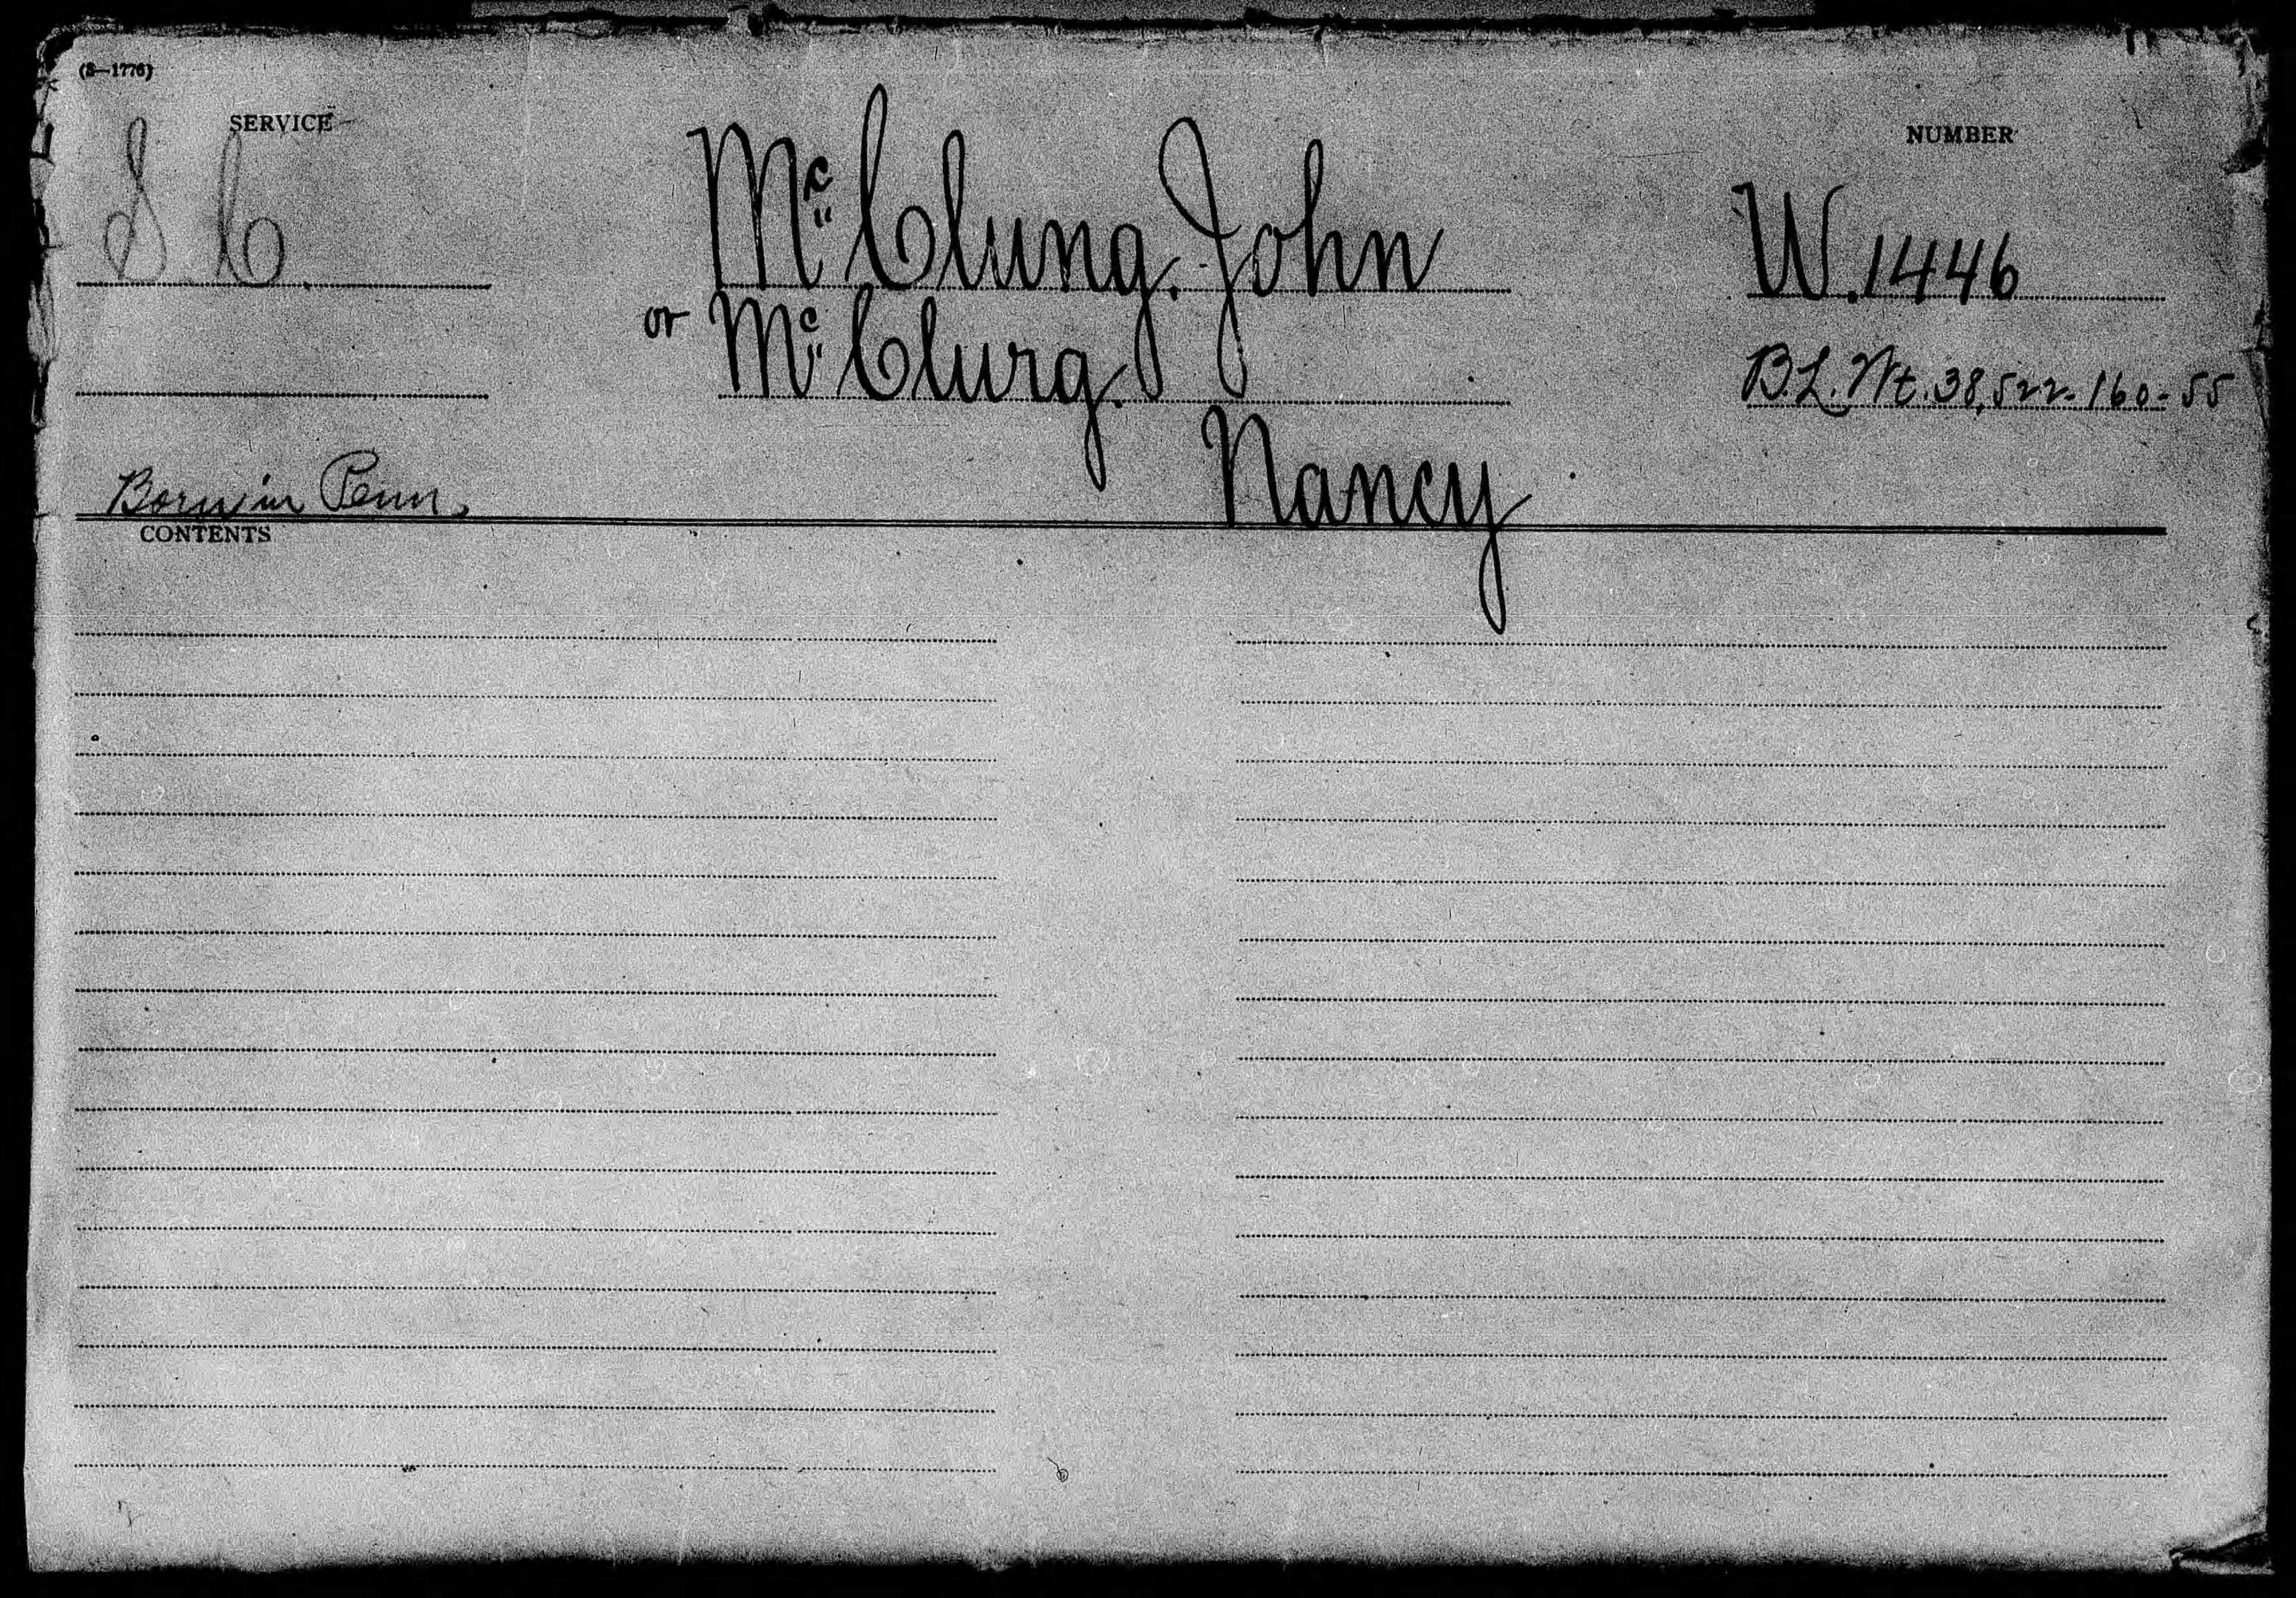(3-1776)

SERVICE | NUMBER
S. C. | McClung John | W. 1446
or McClung | B.L.Wt. 38,522-160-55
Born in Penn | Nancy

CONTENTS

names: John Mc Clurg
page: 1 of 115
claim: widow's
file: W. 1446, for John Mc Clung, South Carolina